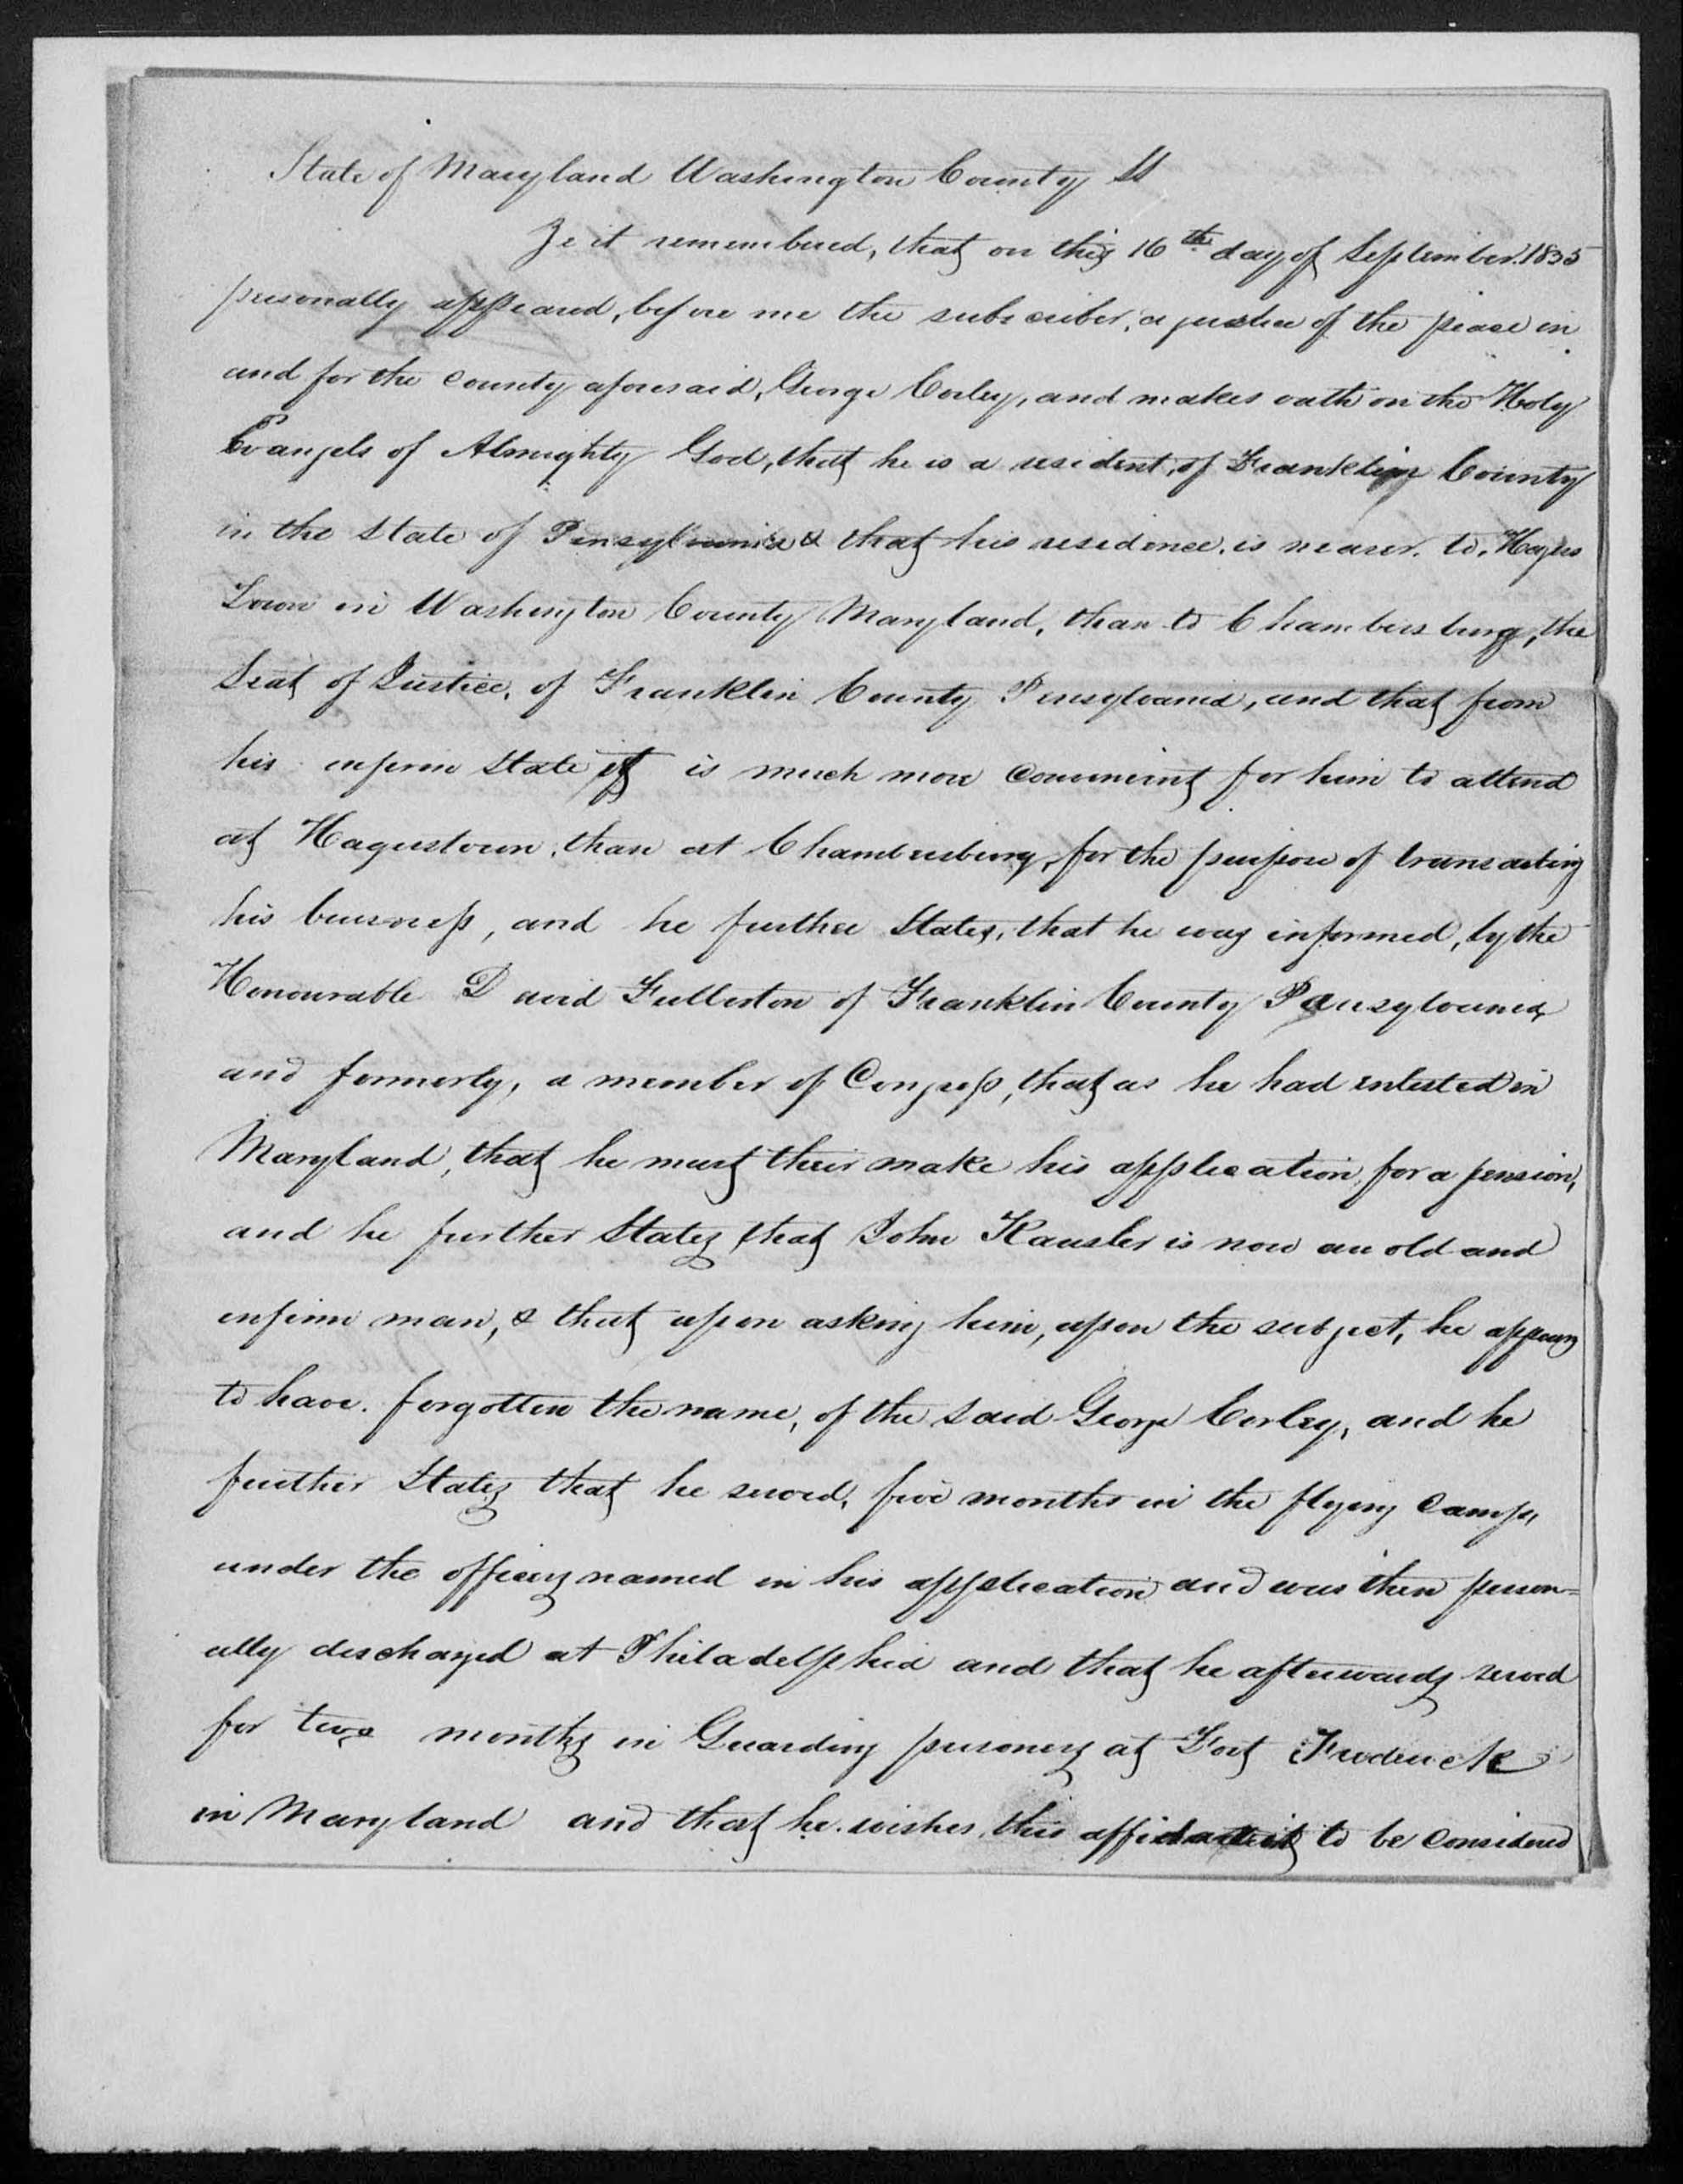State of Maryland Washington County SS
Be it remembered, that on this 16th day of September 1835
personally appeared before me the subscriber, a justice of the pease in 
and for the county aforesaid, George Corley, and makes oath on the Holy
Ev angels of Almighty God, that he is a resident of Franklin County
in the State of Pensylvania & that his residence is nearer to Hegers
Town in Washington County Maryland, than to Chambersburg, the 
Seat of Justice, of Franklin County of insgloaned, and that from
his infirm State it is much now concerning for him to attend
at Hagerstown, than at Chambersburg for the purpose of bruneasting
his buisness, and he further States that he was informed by the
Honourable David Fullerton of Franklin County Pansylouned
and formerly a member of Congress, that as he had enlisted in 
Maryland, that he must their make his application for a pension,
and he further States that John Kausler is now an old and 
infirm man, & that upon asking him, upon the subject, he appears
to have forgotten the name of the said George Corley, and he
further States that he served five months in the flying camp
under the officer named in his application and was then person=
ally discharged at Philadelphia and that he afterwards served
for two months in Gearding personey at Fort Frederick
in Maryland and that he wishes this affidavit to be considered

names: George Corley, John Kausler, George Corley, David Fullerton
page: 7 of 22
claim: survivor's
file: S. 9,199, George Corley, Md.